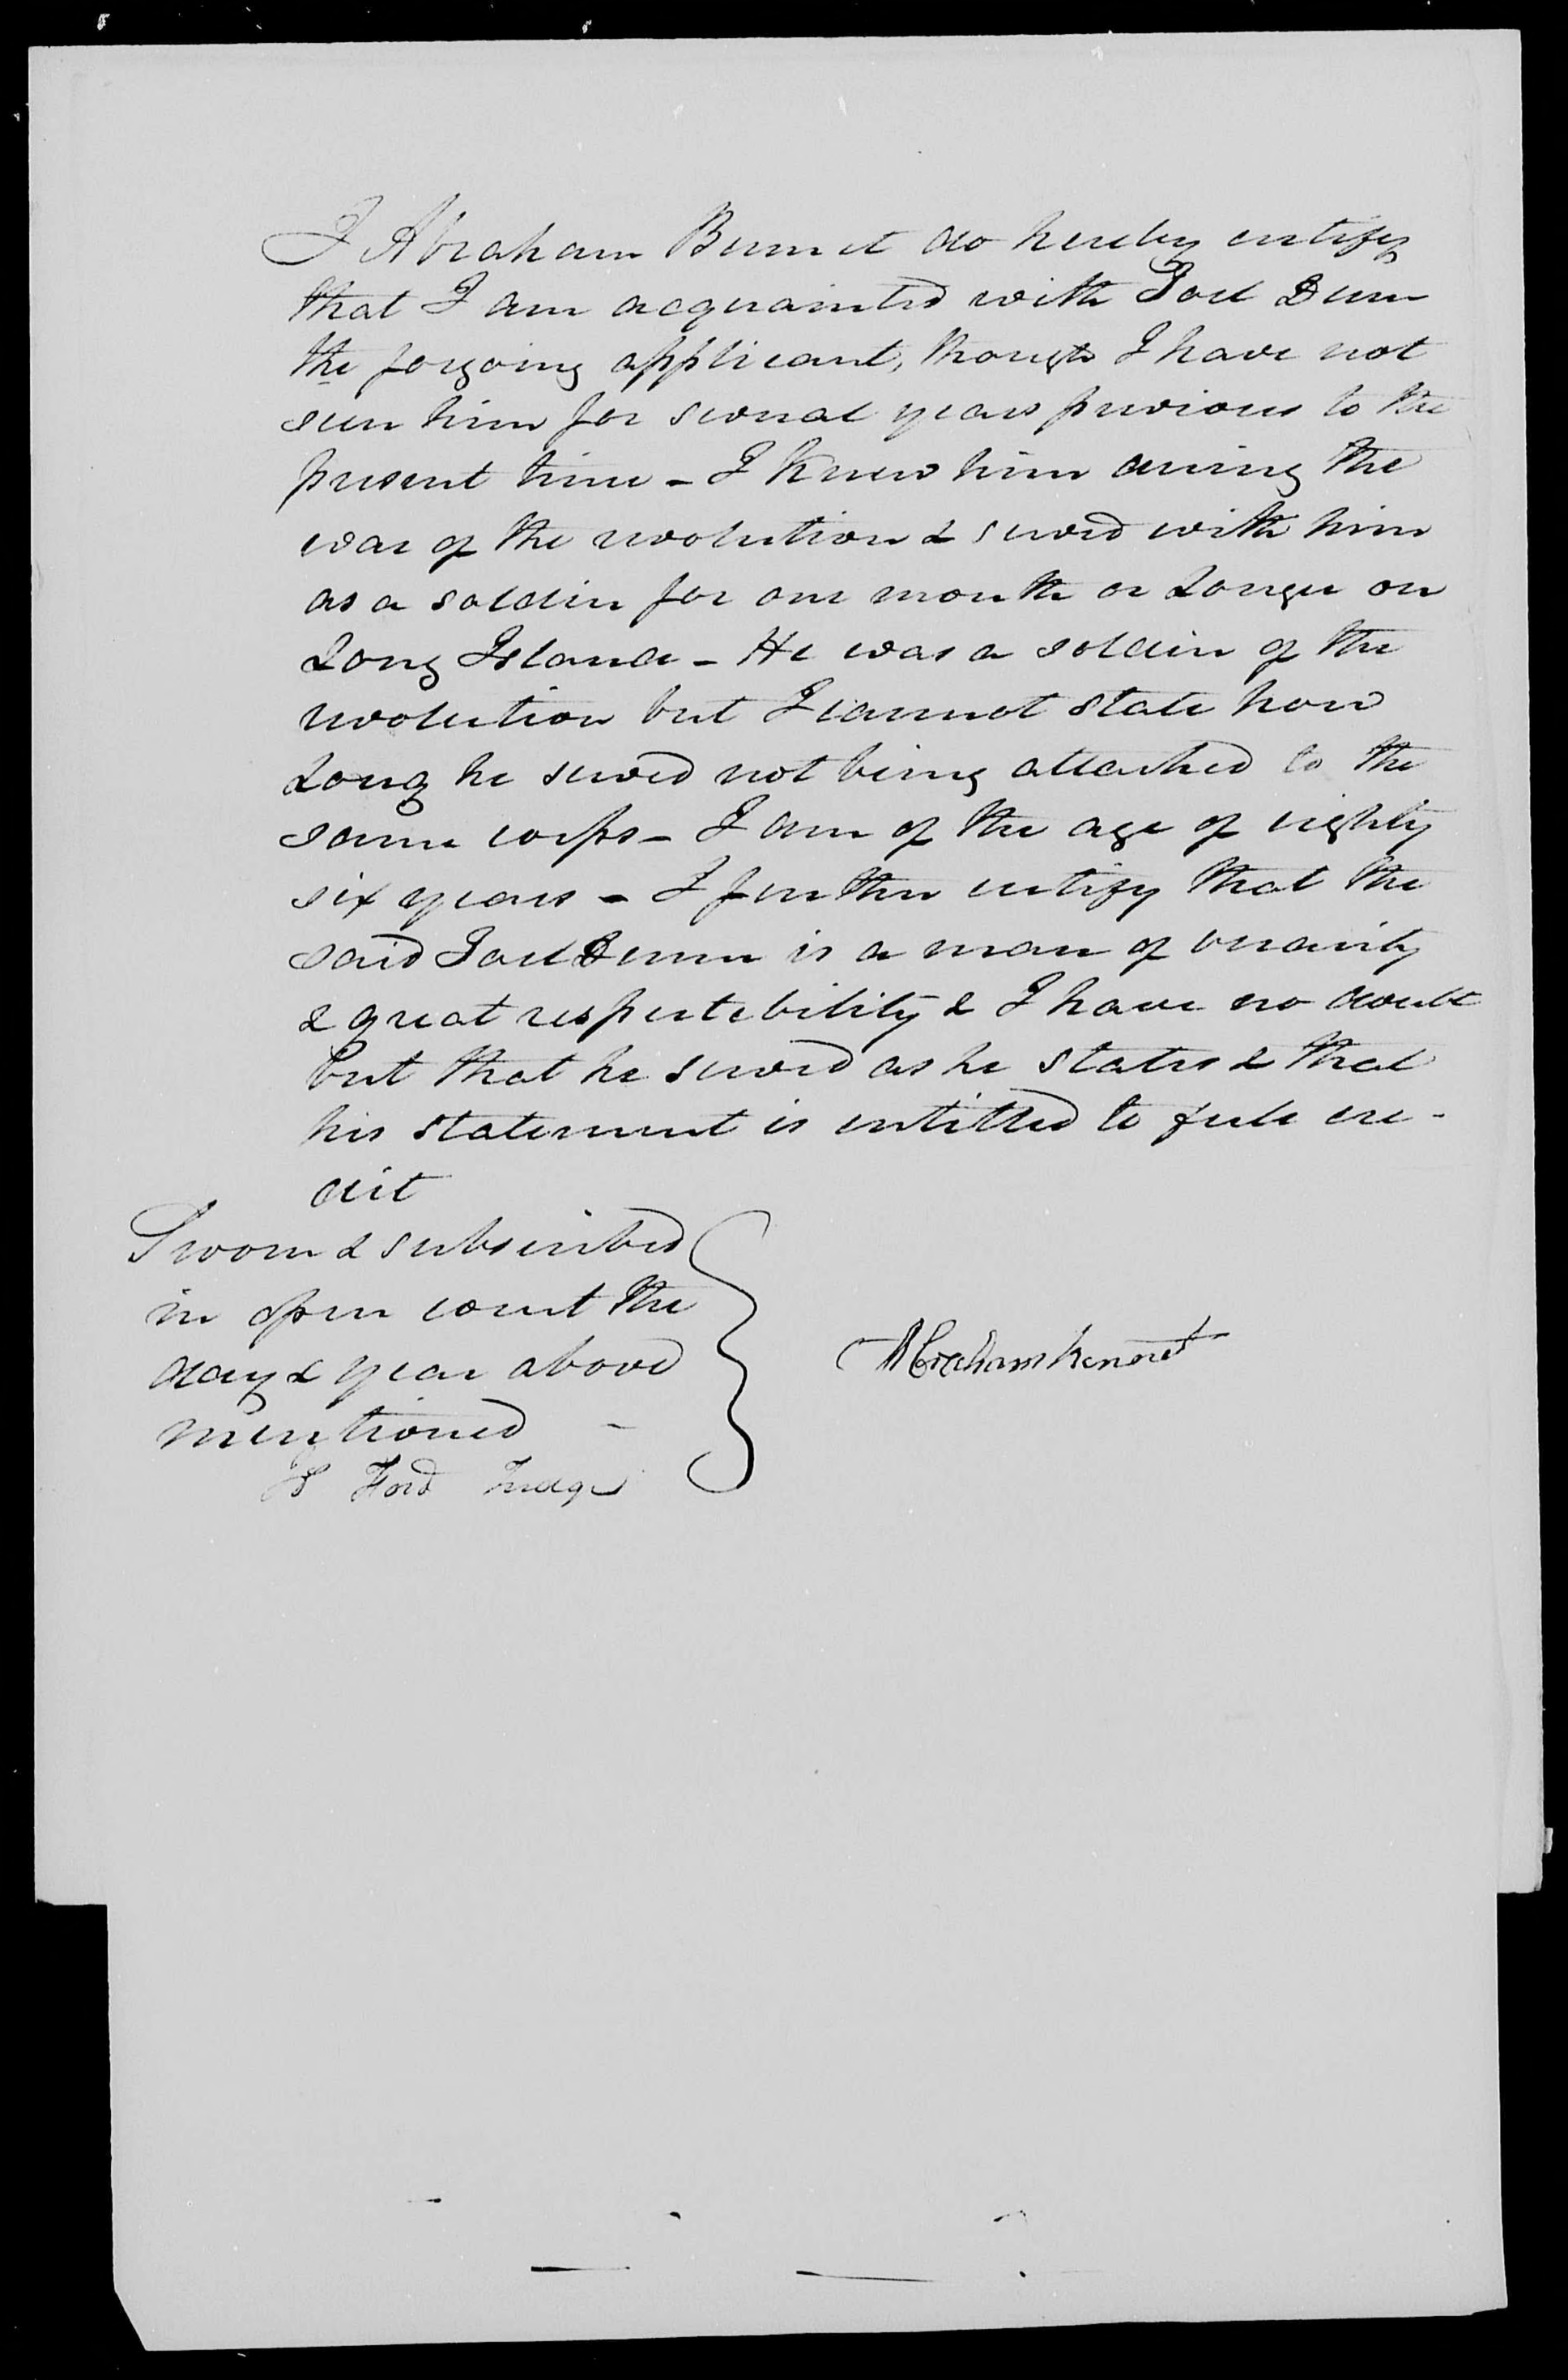I Abraham Bennet do hereby certify that I am acquainted with Joel Dunn the forgoing applicant, though I have not seen him for several years previous to the present time. I knew him during the war of the revolution & served with him as a soldier for one month or longer on Long Island. He was a soldier of the revolution but I cannot state how long he served not being attached to the same corps. I am of the age of eighty six years. I further certify that the said Joel Dunn is a man of veracity & great respectability & I have no doubt but that he served as he states & that his statement is entitled to full credit  [signed] Abraham Bennet
Sworn & subscribed in open court the day & year above mentioned.  [signed] H. Ford Judge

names: Jos Ford, Abraham Bennet, Abraham Bennet, Joel Dunn, Joel Dunn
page: 12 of 52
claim: widow's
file: W. 919, Joel Dunn, New Jersey